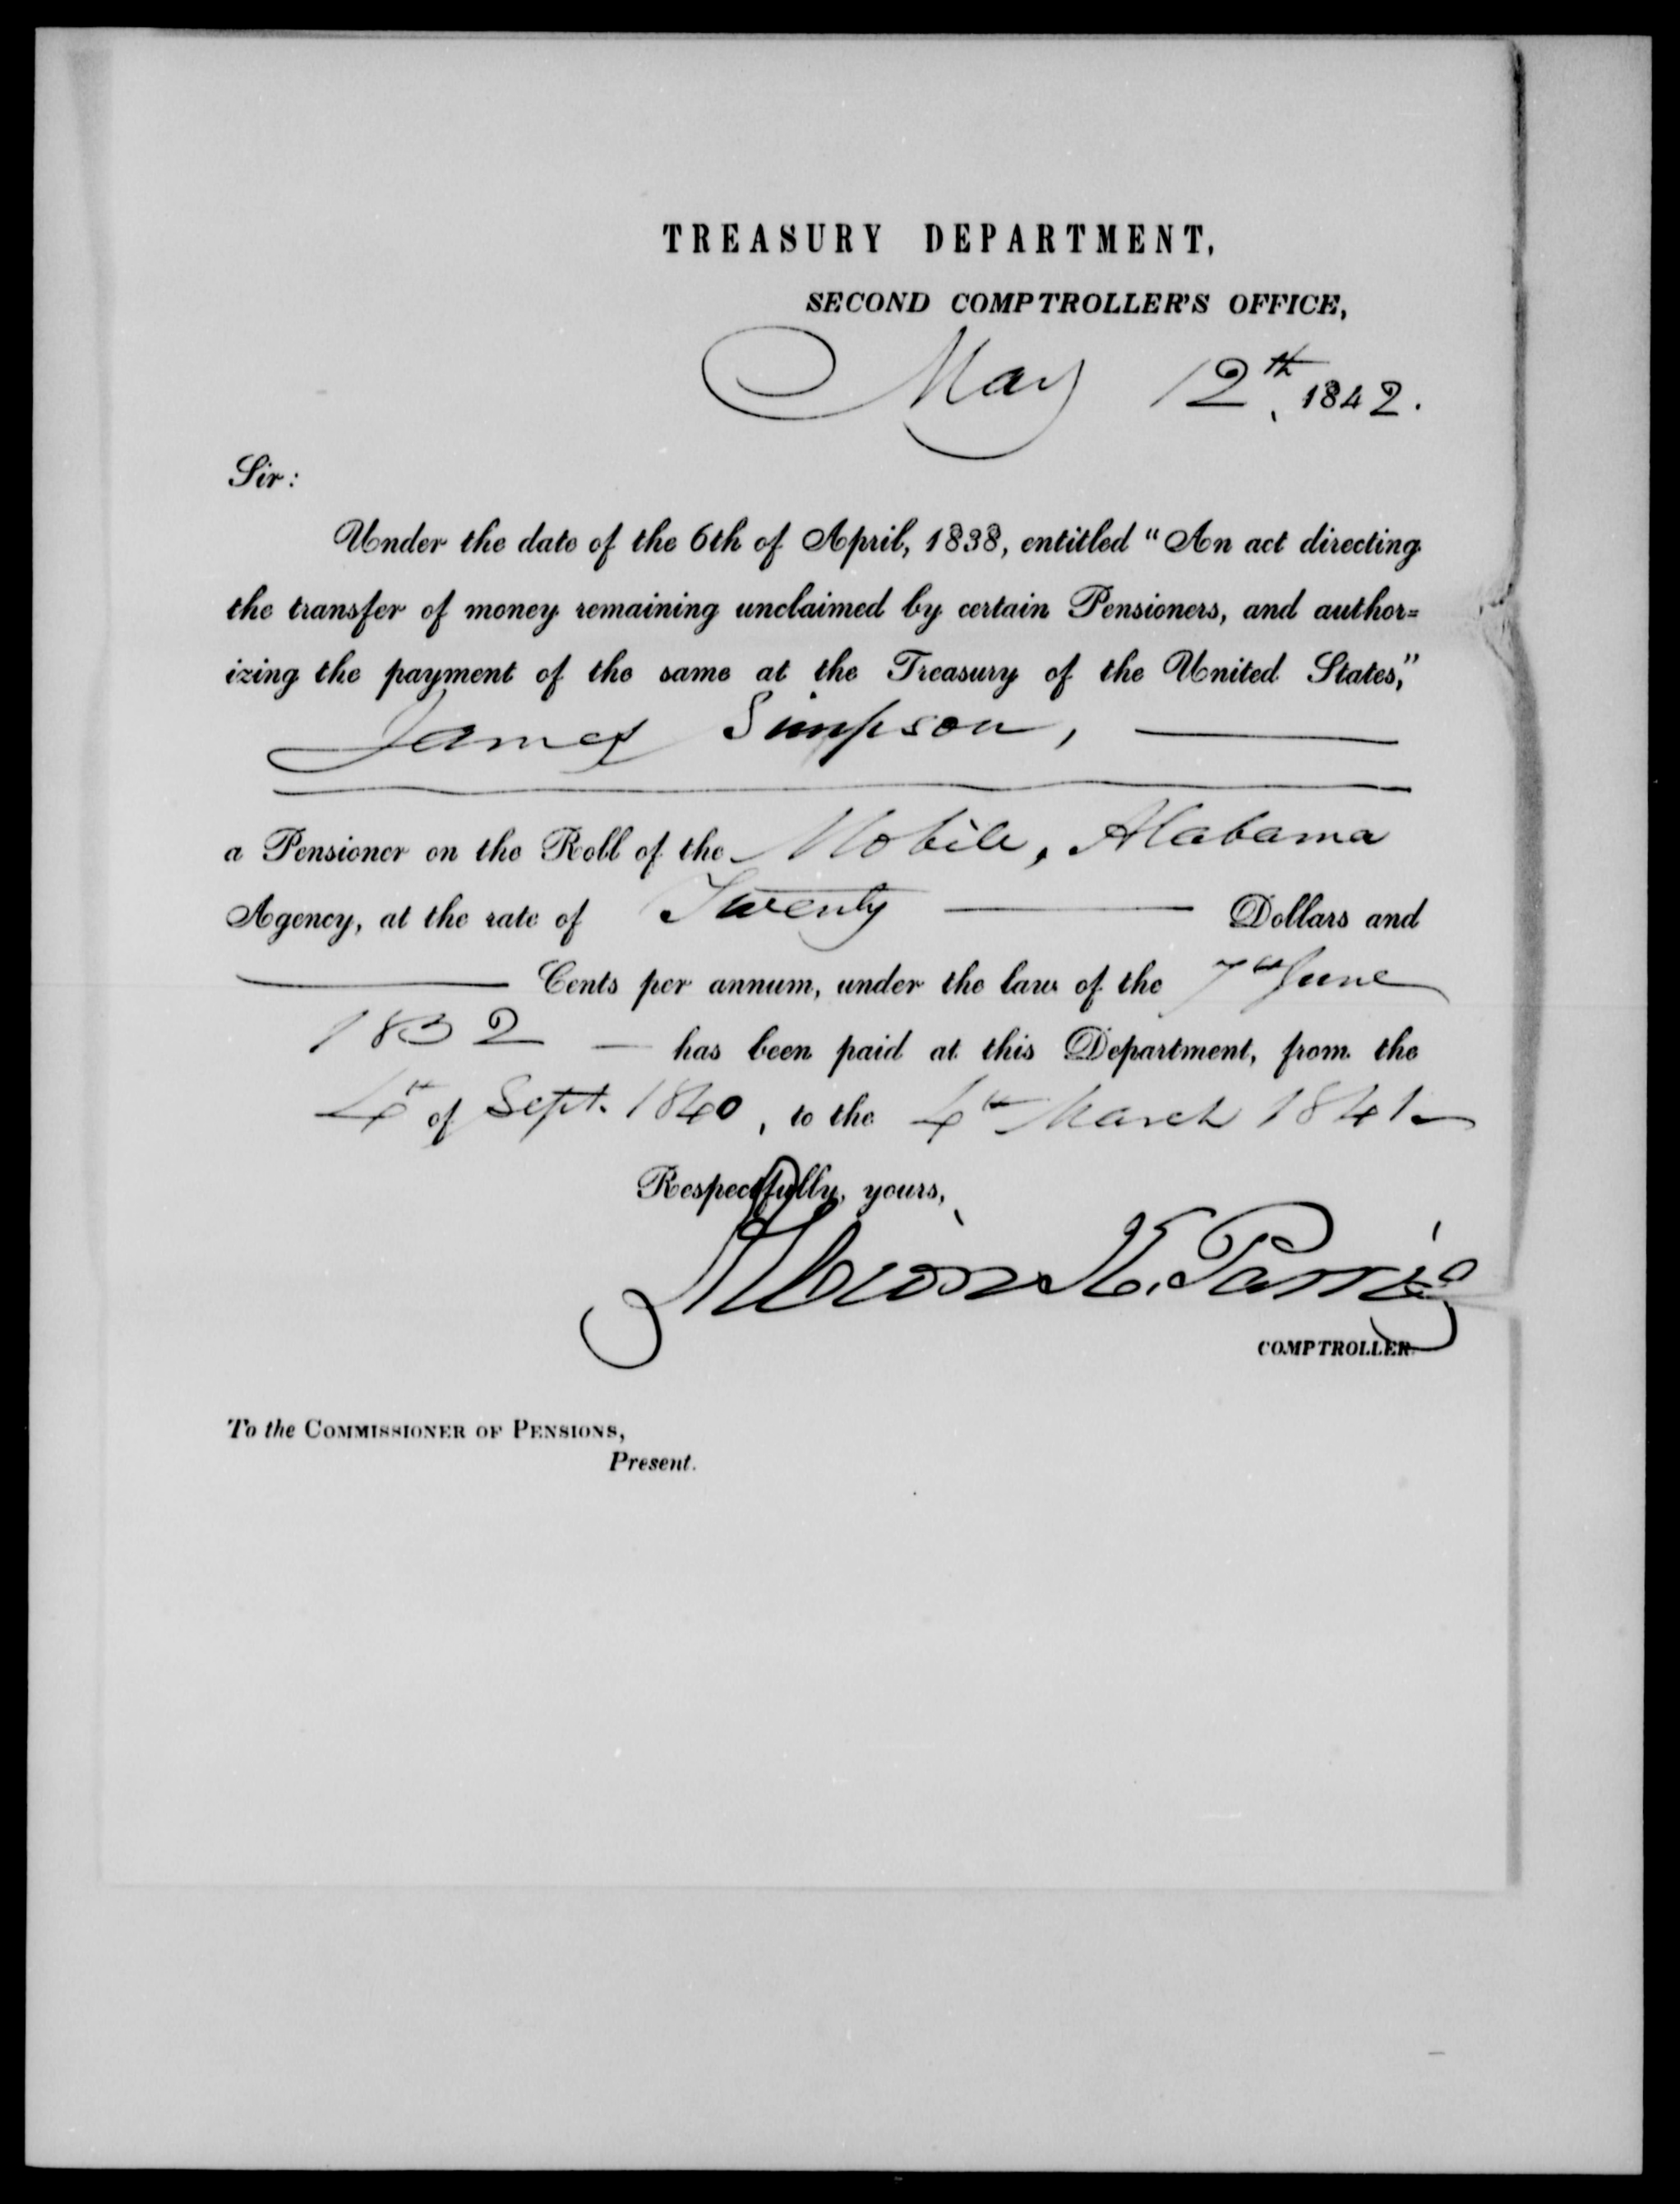TREASURY DEPARTMENT,
Second Comptroller's Office,
May 12th, 1842.

Sir:
Under the act of the 6th of April, 1838, entitled "An act directing the transfer of money remaining unclaimed by certain Pensioners, and authorizing the payment of the same at the Treasury of the United States," James Simpson, -- a Pensioner on the Roll of the Mobile, Ala Agency at the rate of Twenty Dollars and --- Cents per annum, under the law of the 7th June 1832, has been paid at this Department, from the 4th of Sept. 1840, to the 4th March 1841.
Respectfully, yours,
Albion K. Parris
Comptroller.

To the Commissioner of Pensions, 
     Present.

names: James Simpson; Albion K Parris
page: 12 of 17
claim: survivor's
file: S. 11401, for James Simpson, South Carolina